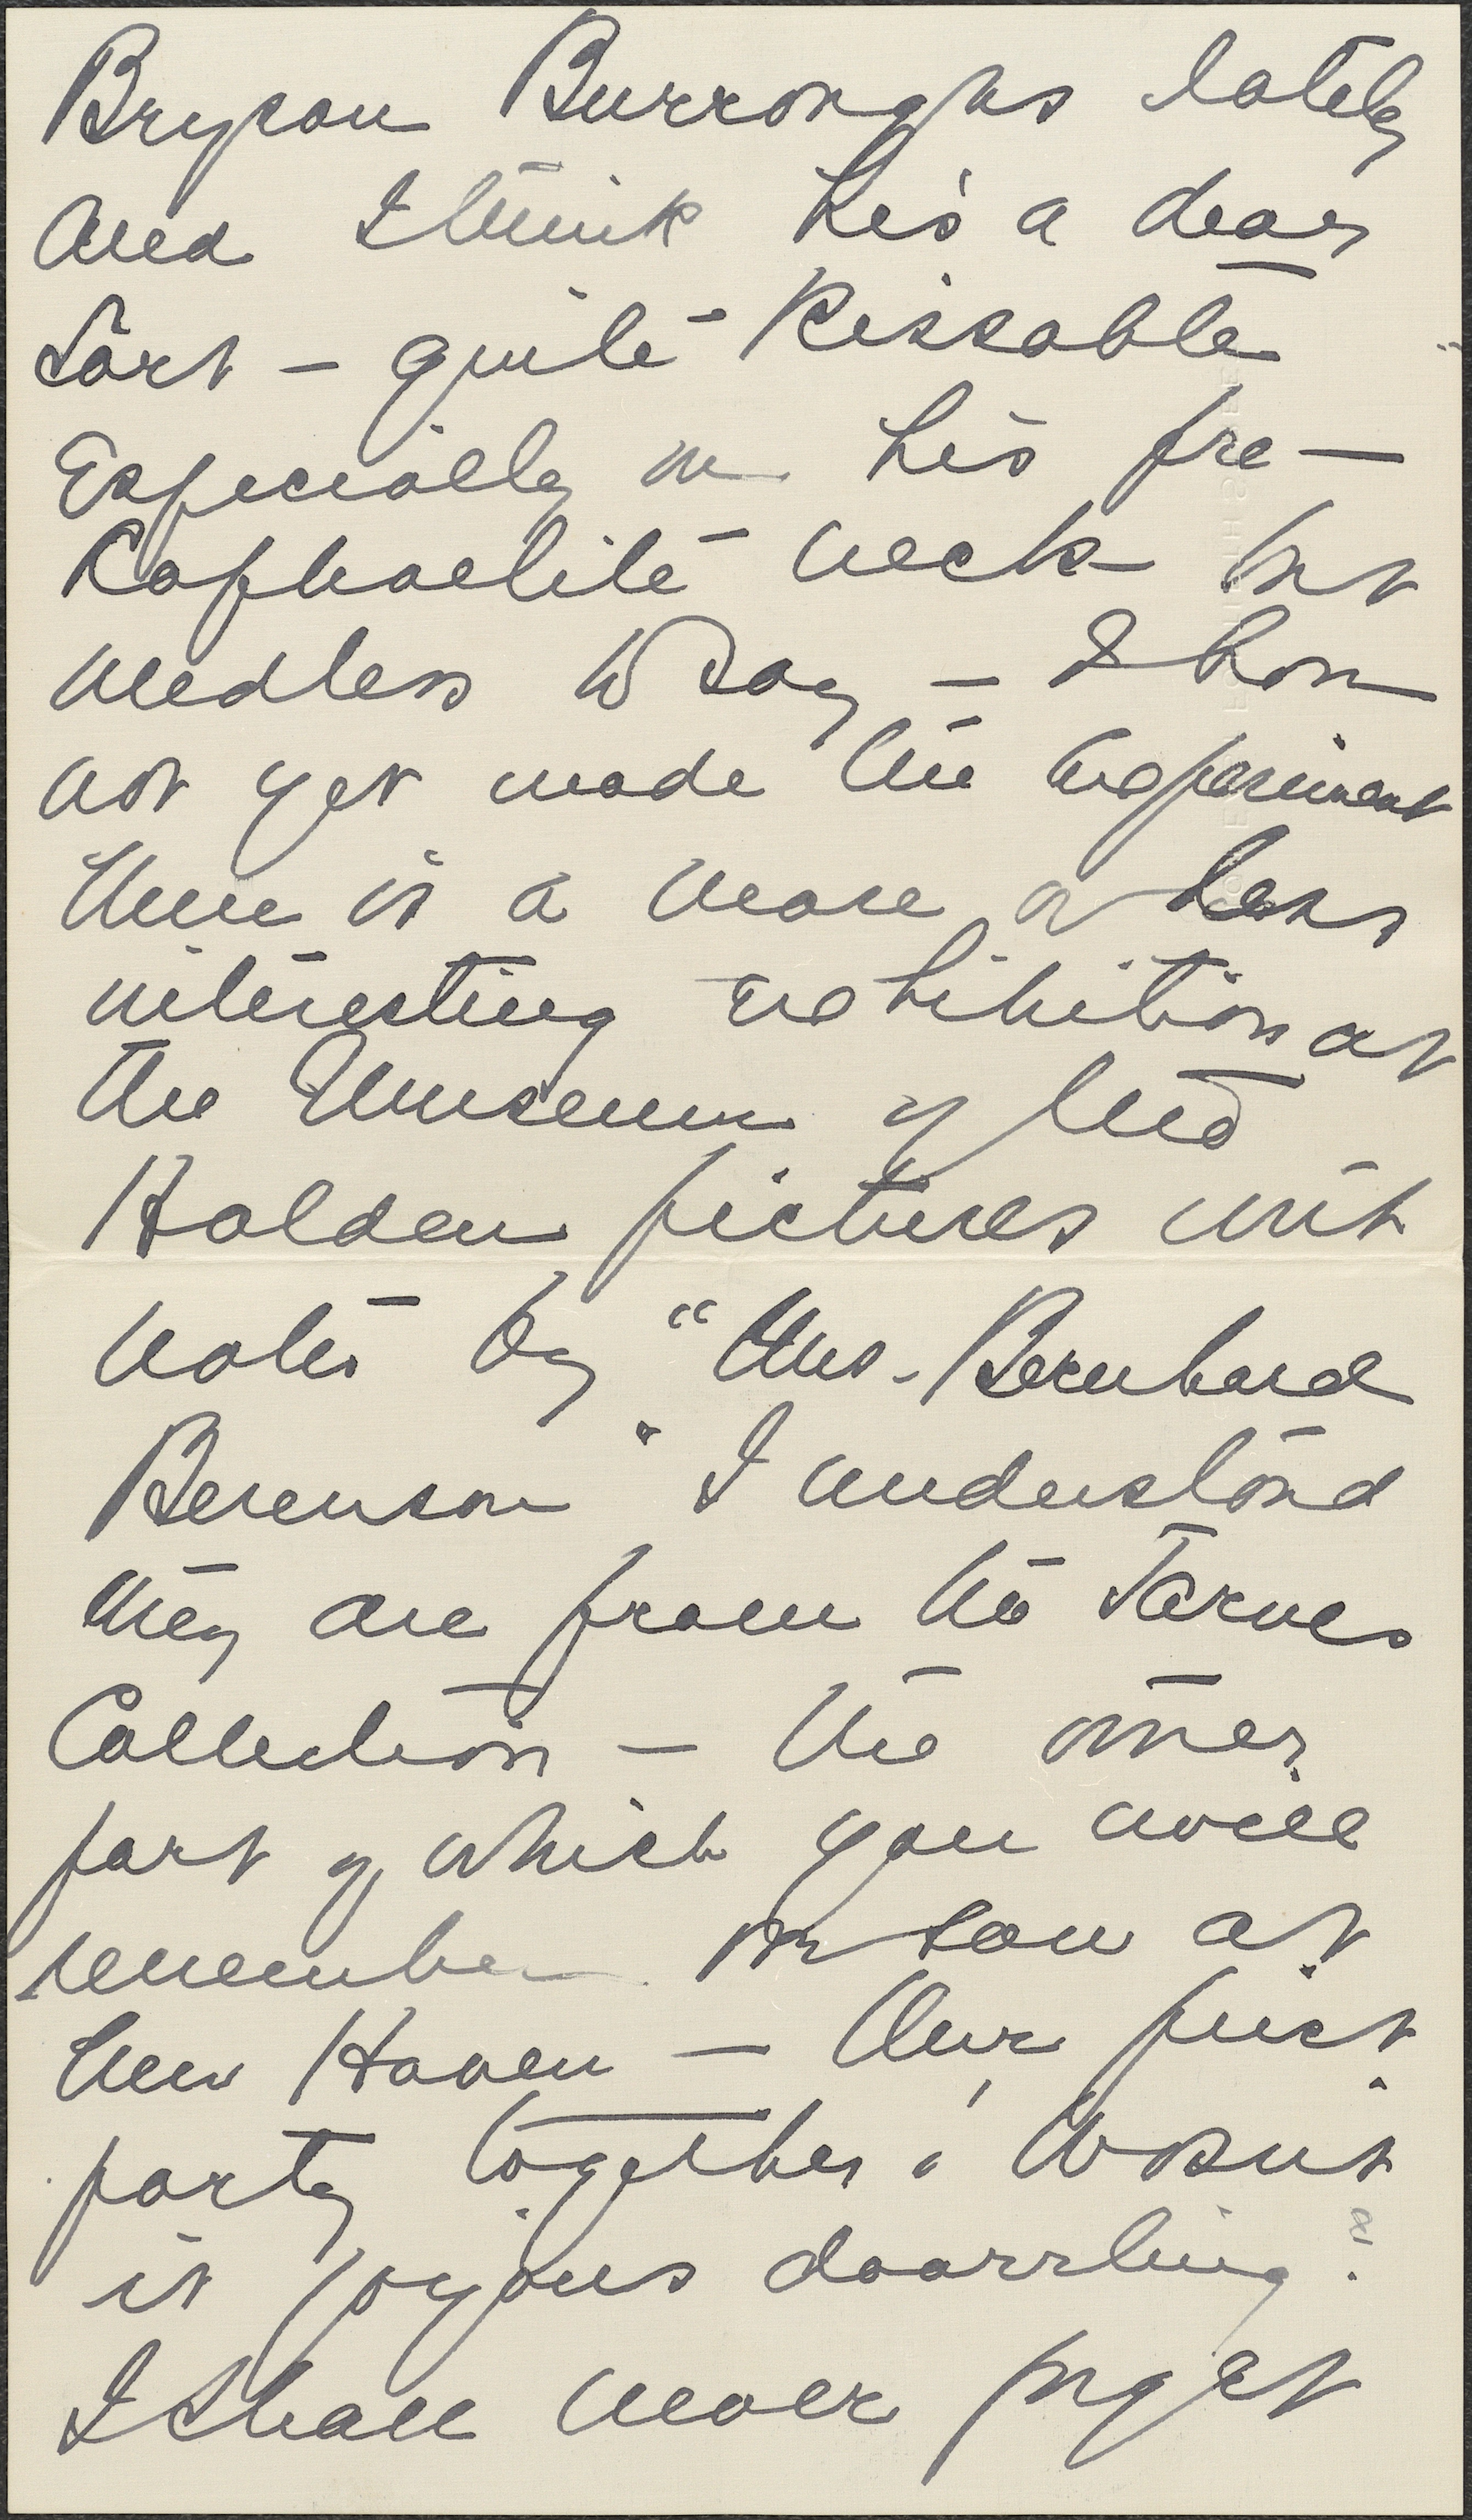Bryson Burroughs lately and I think he’s a dear sort – quite kissable especially on his pre-Raphaelite neck – but needless to say – I have not yet made the experiment there is a more or less interesting exhibition at the Museum of the Holden pictures with notes by “Mrs. Bernhard Berenson” I understand they are from the Jarves Collection – the other part of which you will remember – we saw at New Haven – Our first party together! wasn’t it joyous daarrling? I shall never forget